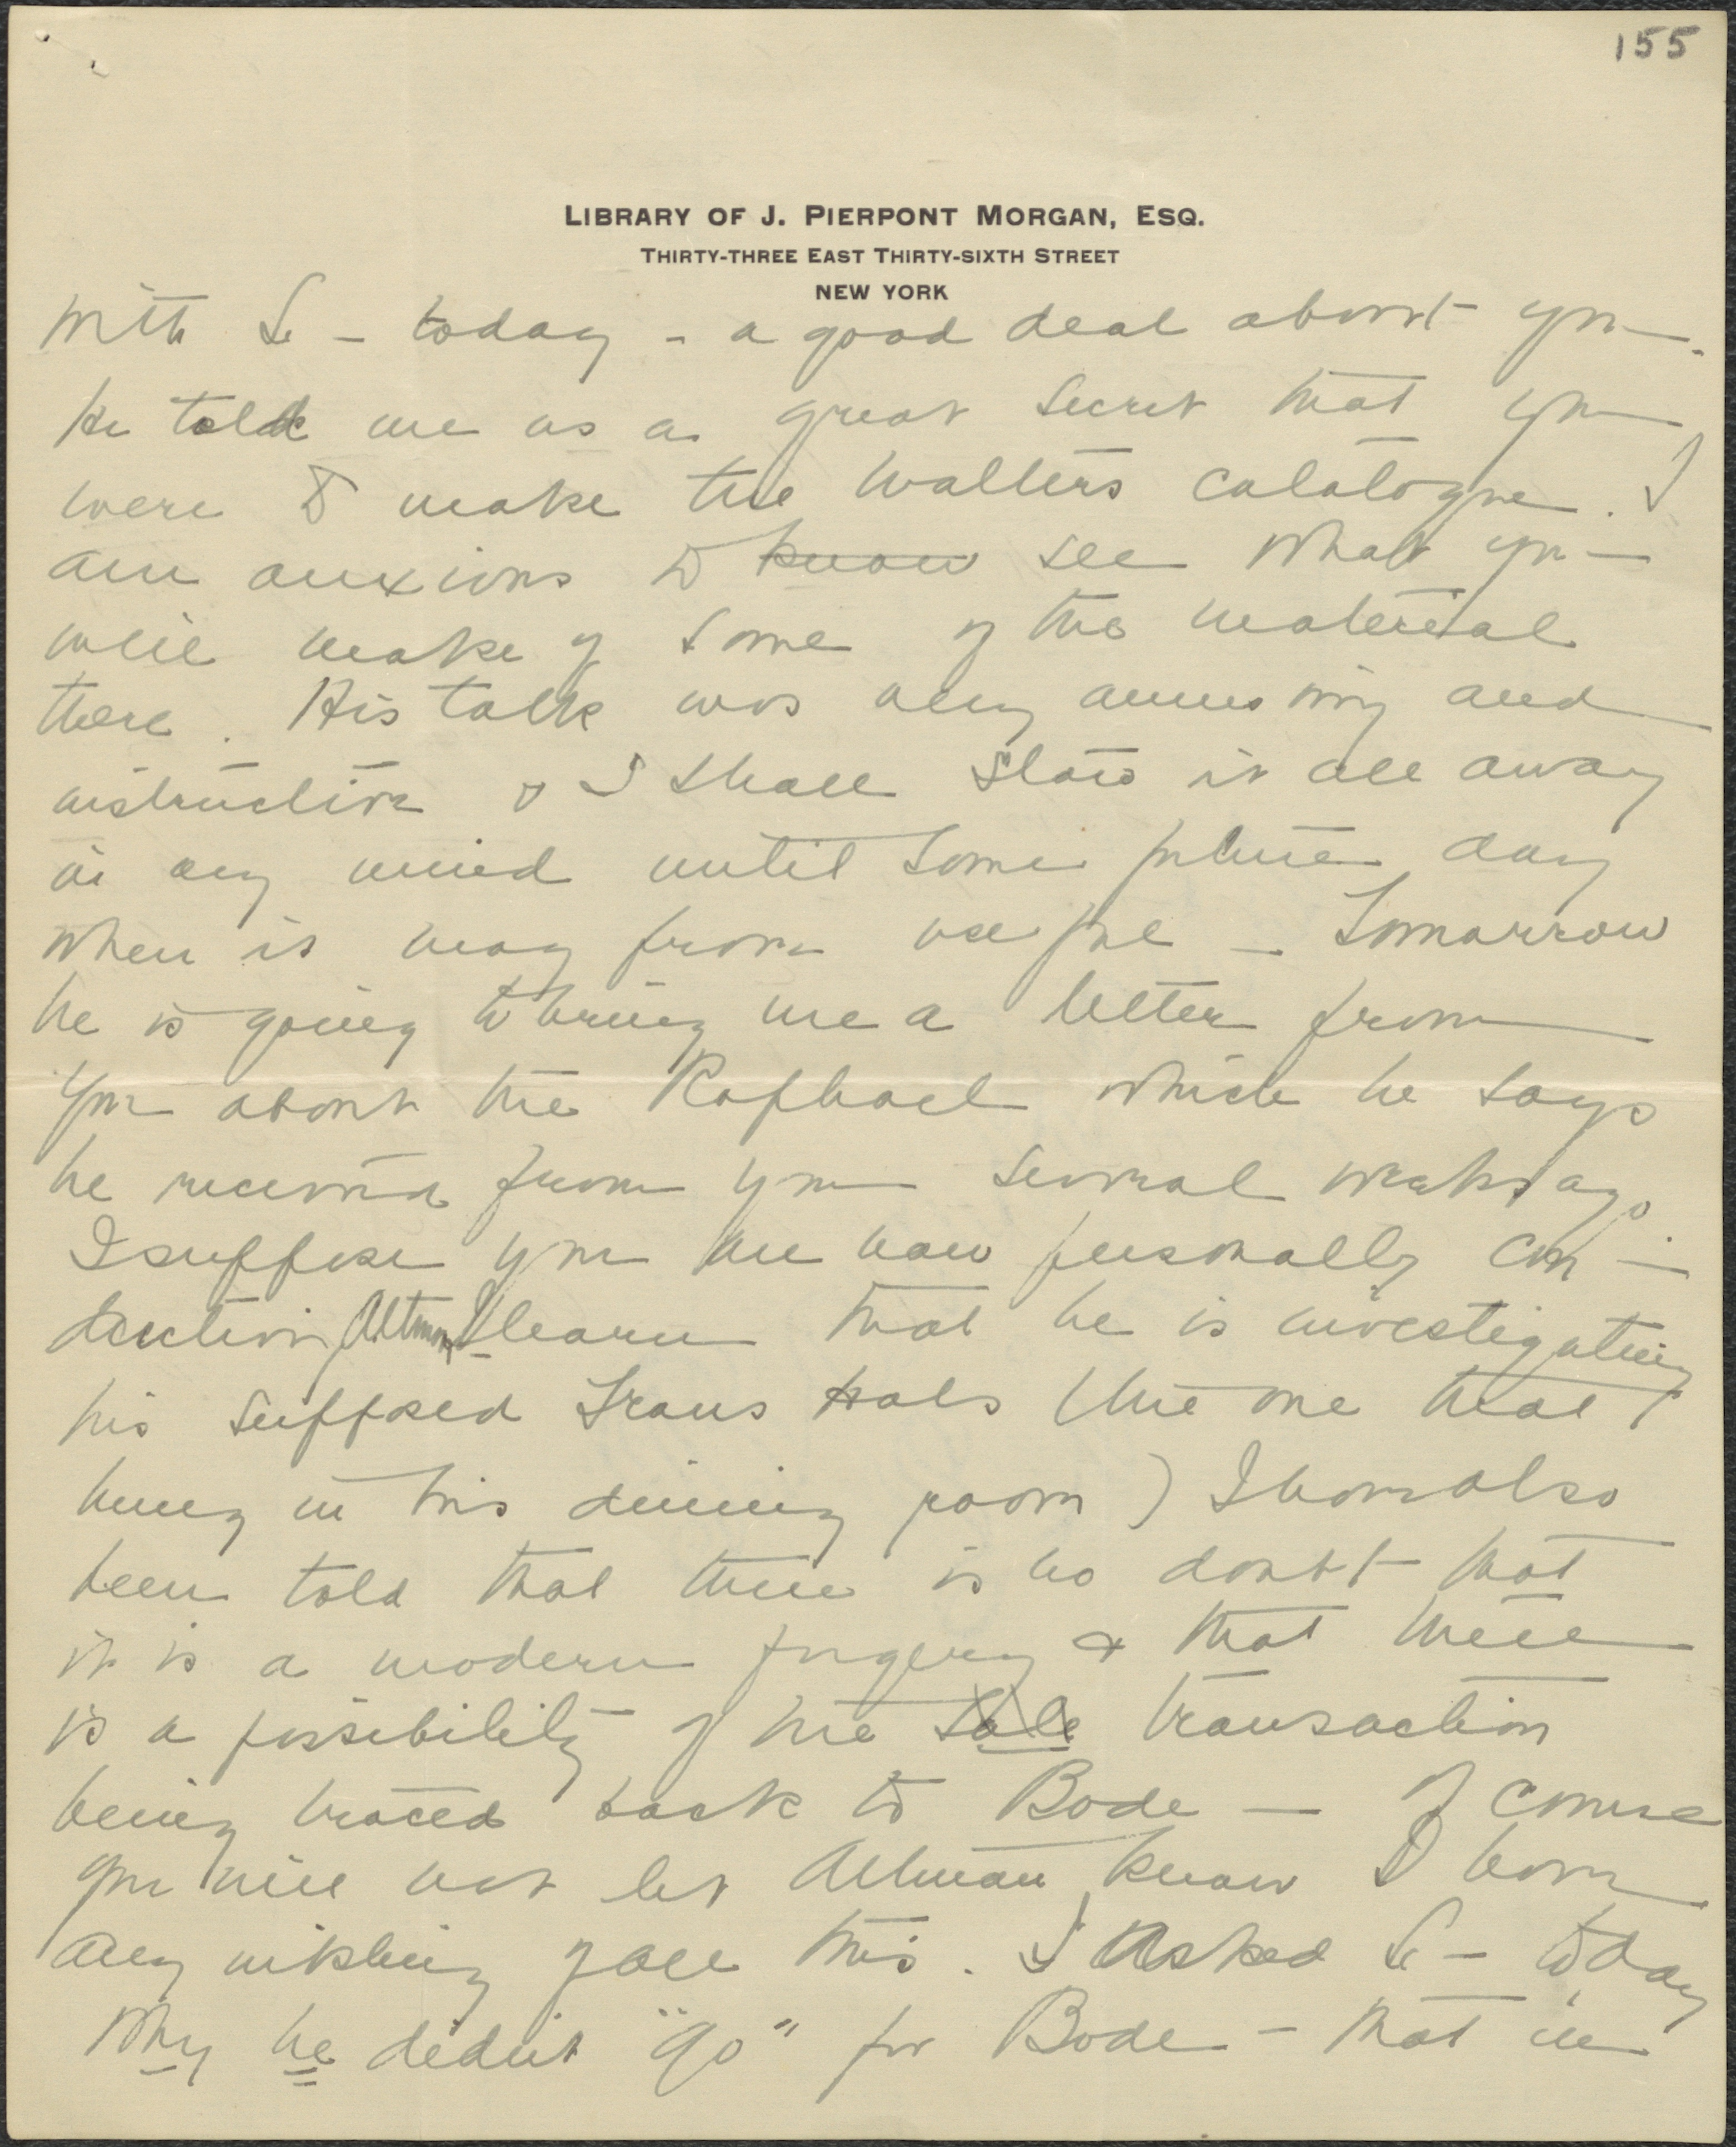with S – today – a good deal about you. He told me as a great secret that you were to make the Walters catalogue. I am anxious to know see what you – will make of some of the material there. His talk was very amusing and instructive & I shall store it all away in my mind until some future day when it may prove useful – Tomorrow he is going to bring me a letter from you about the Raphael which he says he received from you several weeks ago. I suppose you are now personally conducting Altman I learn that he is investigating his supposed Frans Hals (the one that hung in his dining room) I have also been told that there is no doubt that it is a modern forgery & that there is a possibility of the sale transaction being traced back to Bode – of course you will not let Altman know I have any inkling of all this. I asked S – today why [double-underlined: he] didn’t “go” for Bode – that